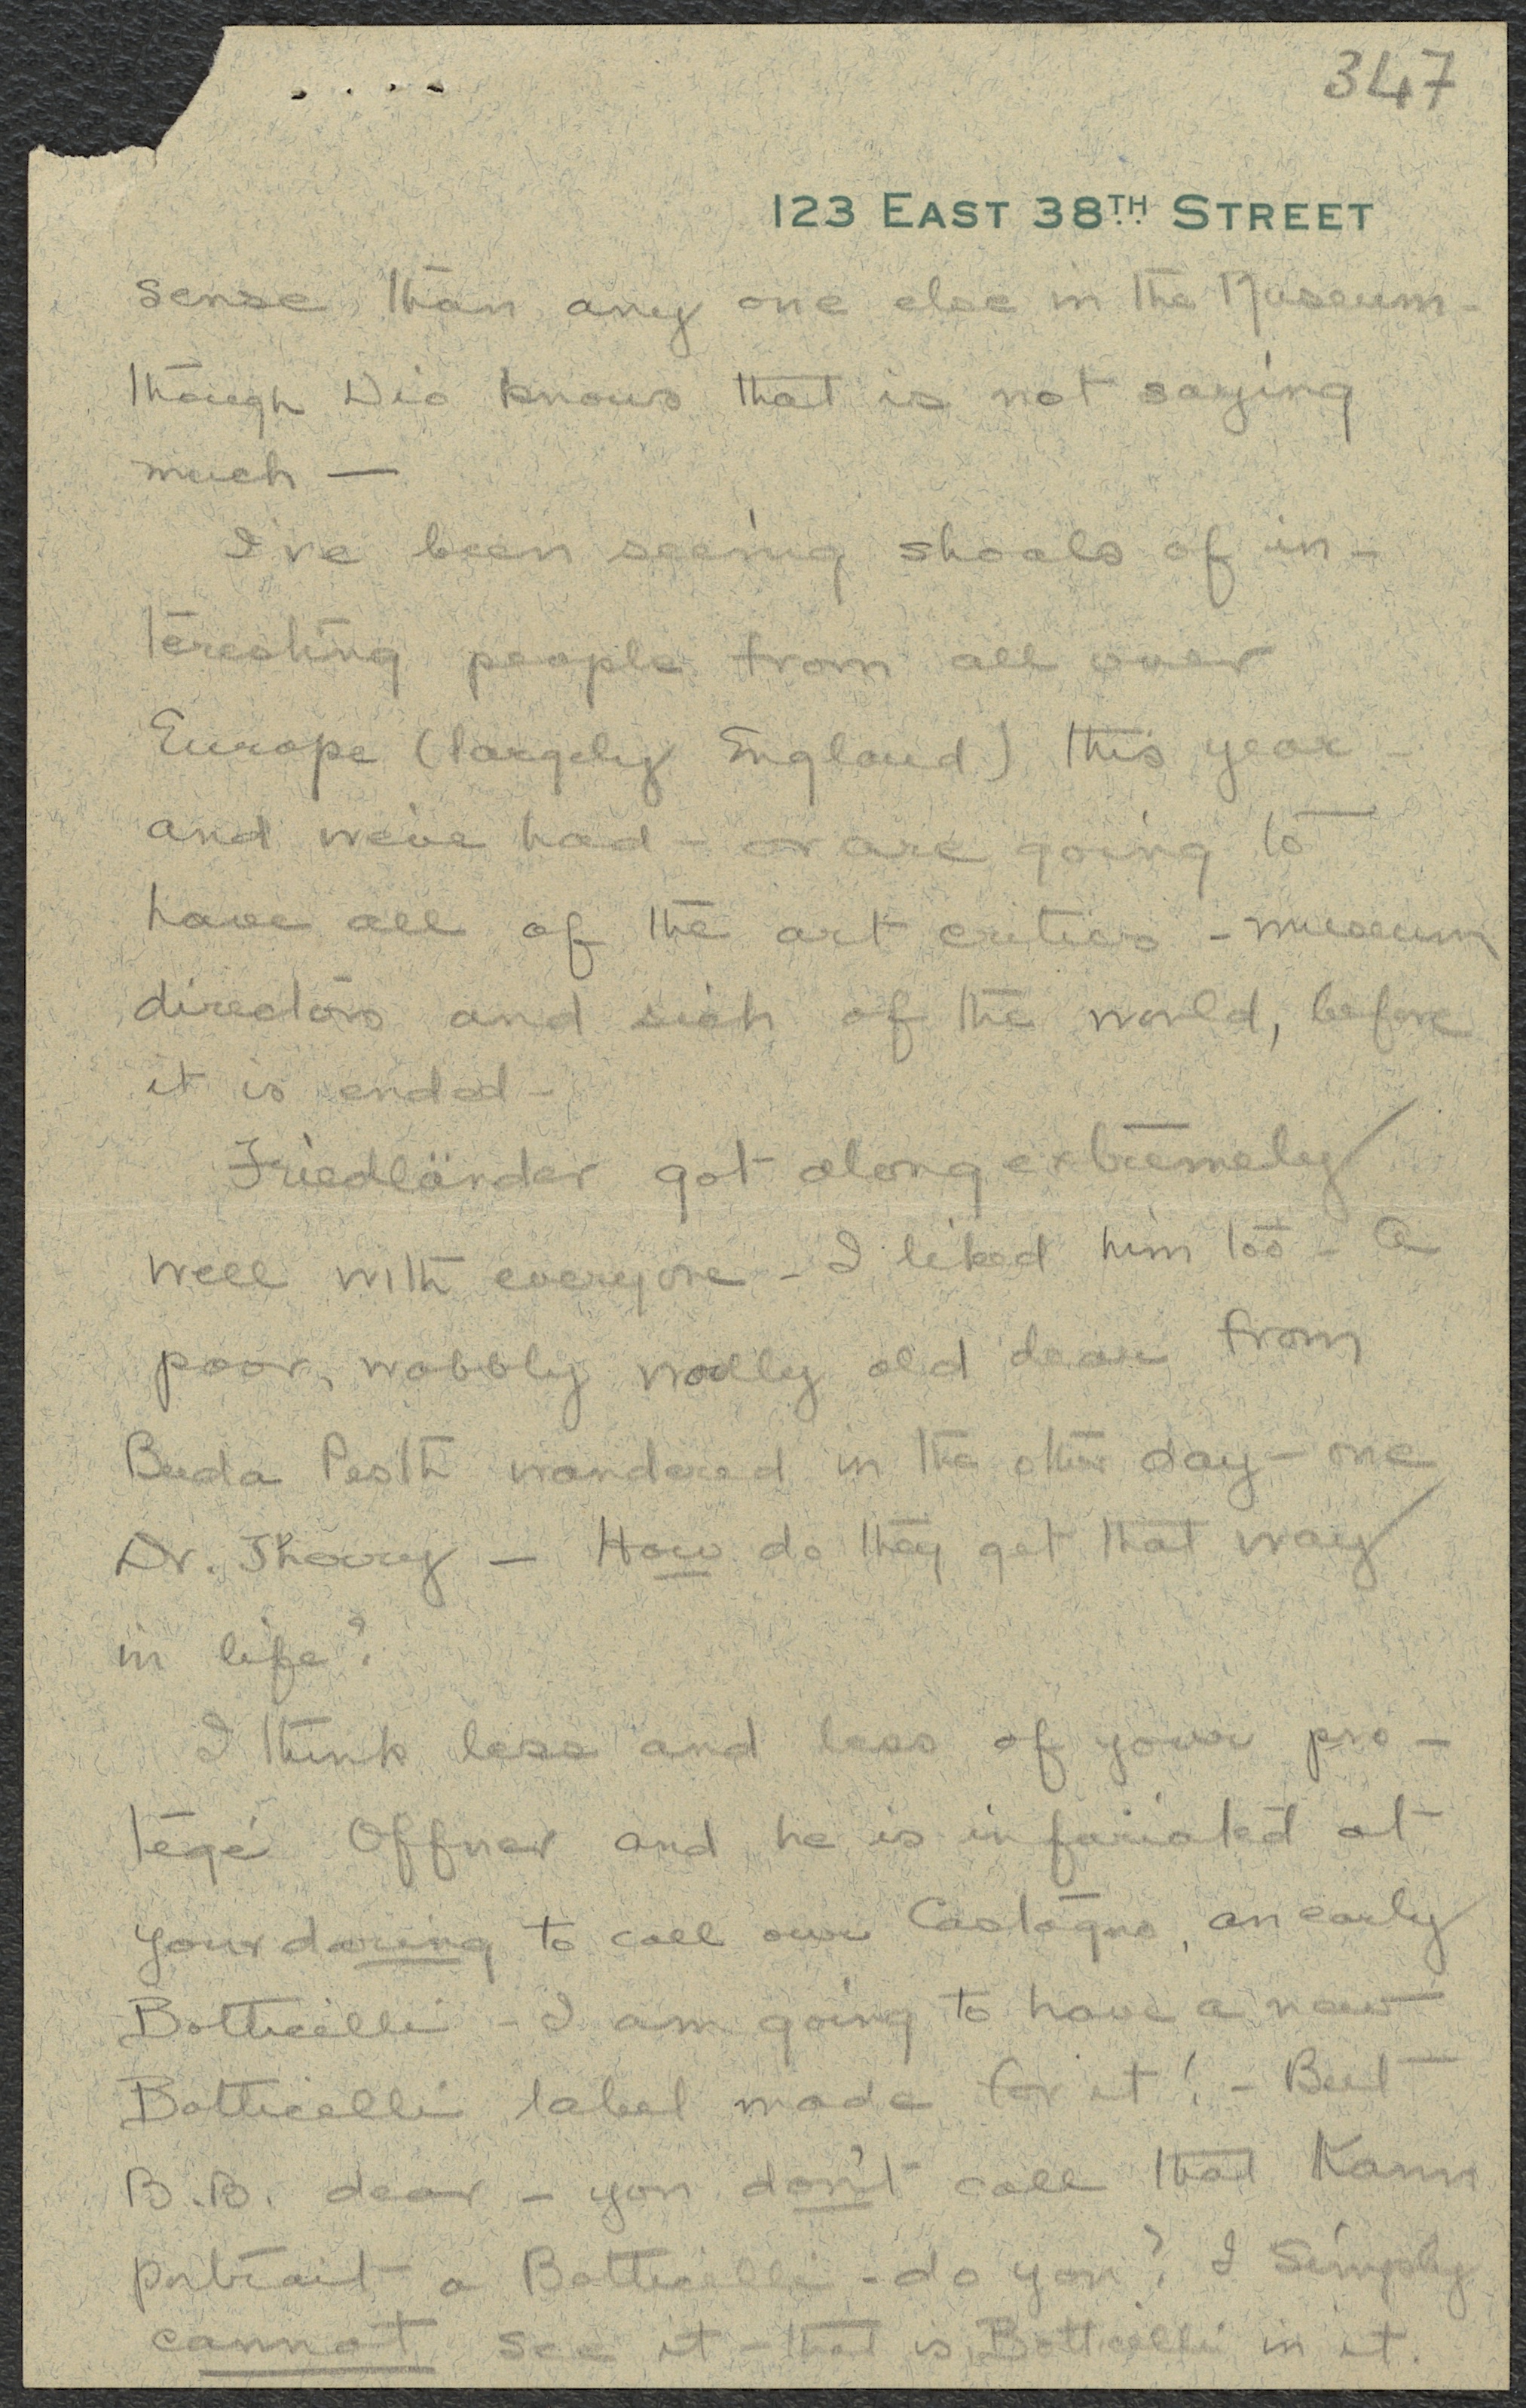sense than any one else in the Museum – though Dio knows that is not saying much –
I’ve been seeing shoals of interesting people from all over Europe (largely England) this year – and we’ve had – or are going to have all of the art critics – museum directors and sich of the world, before it is ended –
Friedländer got along extremely well with everyone – I liked him too – A poor, wobbly woolly old dear from Buda Pesth [i.e., Budapest] wandered in the other day – one Dr. Therry – How do they get that way in life?
I think less and less of your protégé Offner and he is infuriated at your daring to call our Castagno, an early Botticelli – I am going to have a new Botticelli label made for it! – But B.B. dear – you don’t call that Kann [?] portrait a Botticelli, do you? I simply cannot see it – that is Botticelli in it.